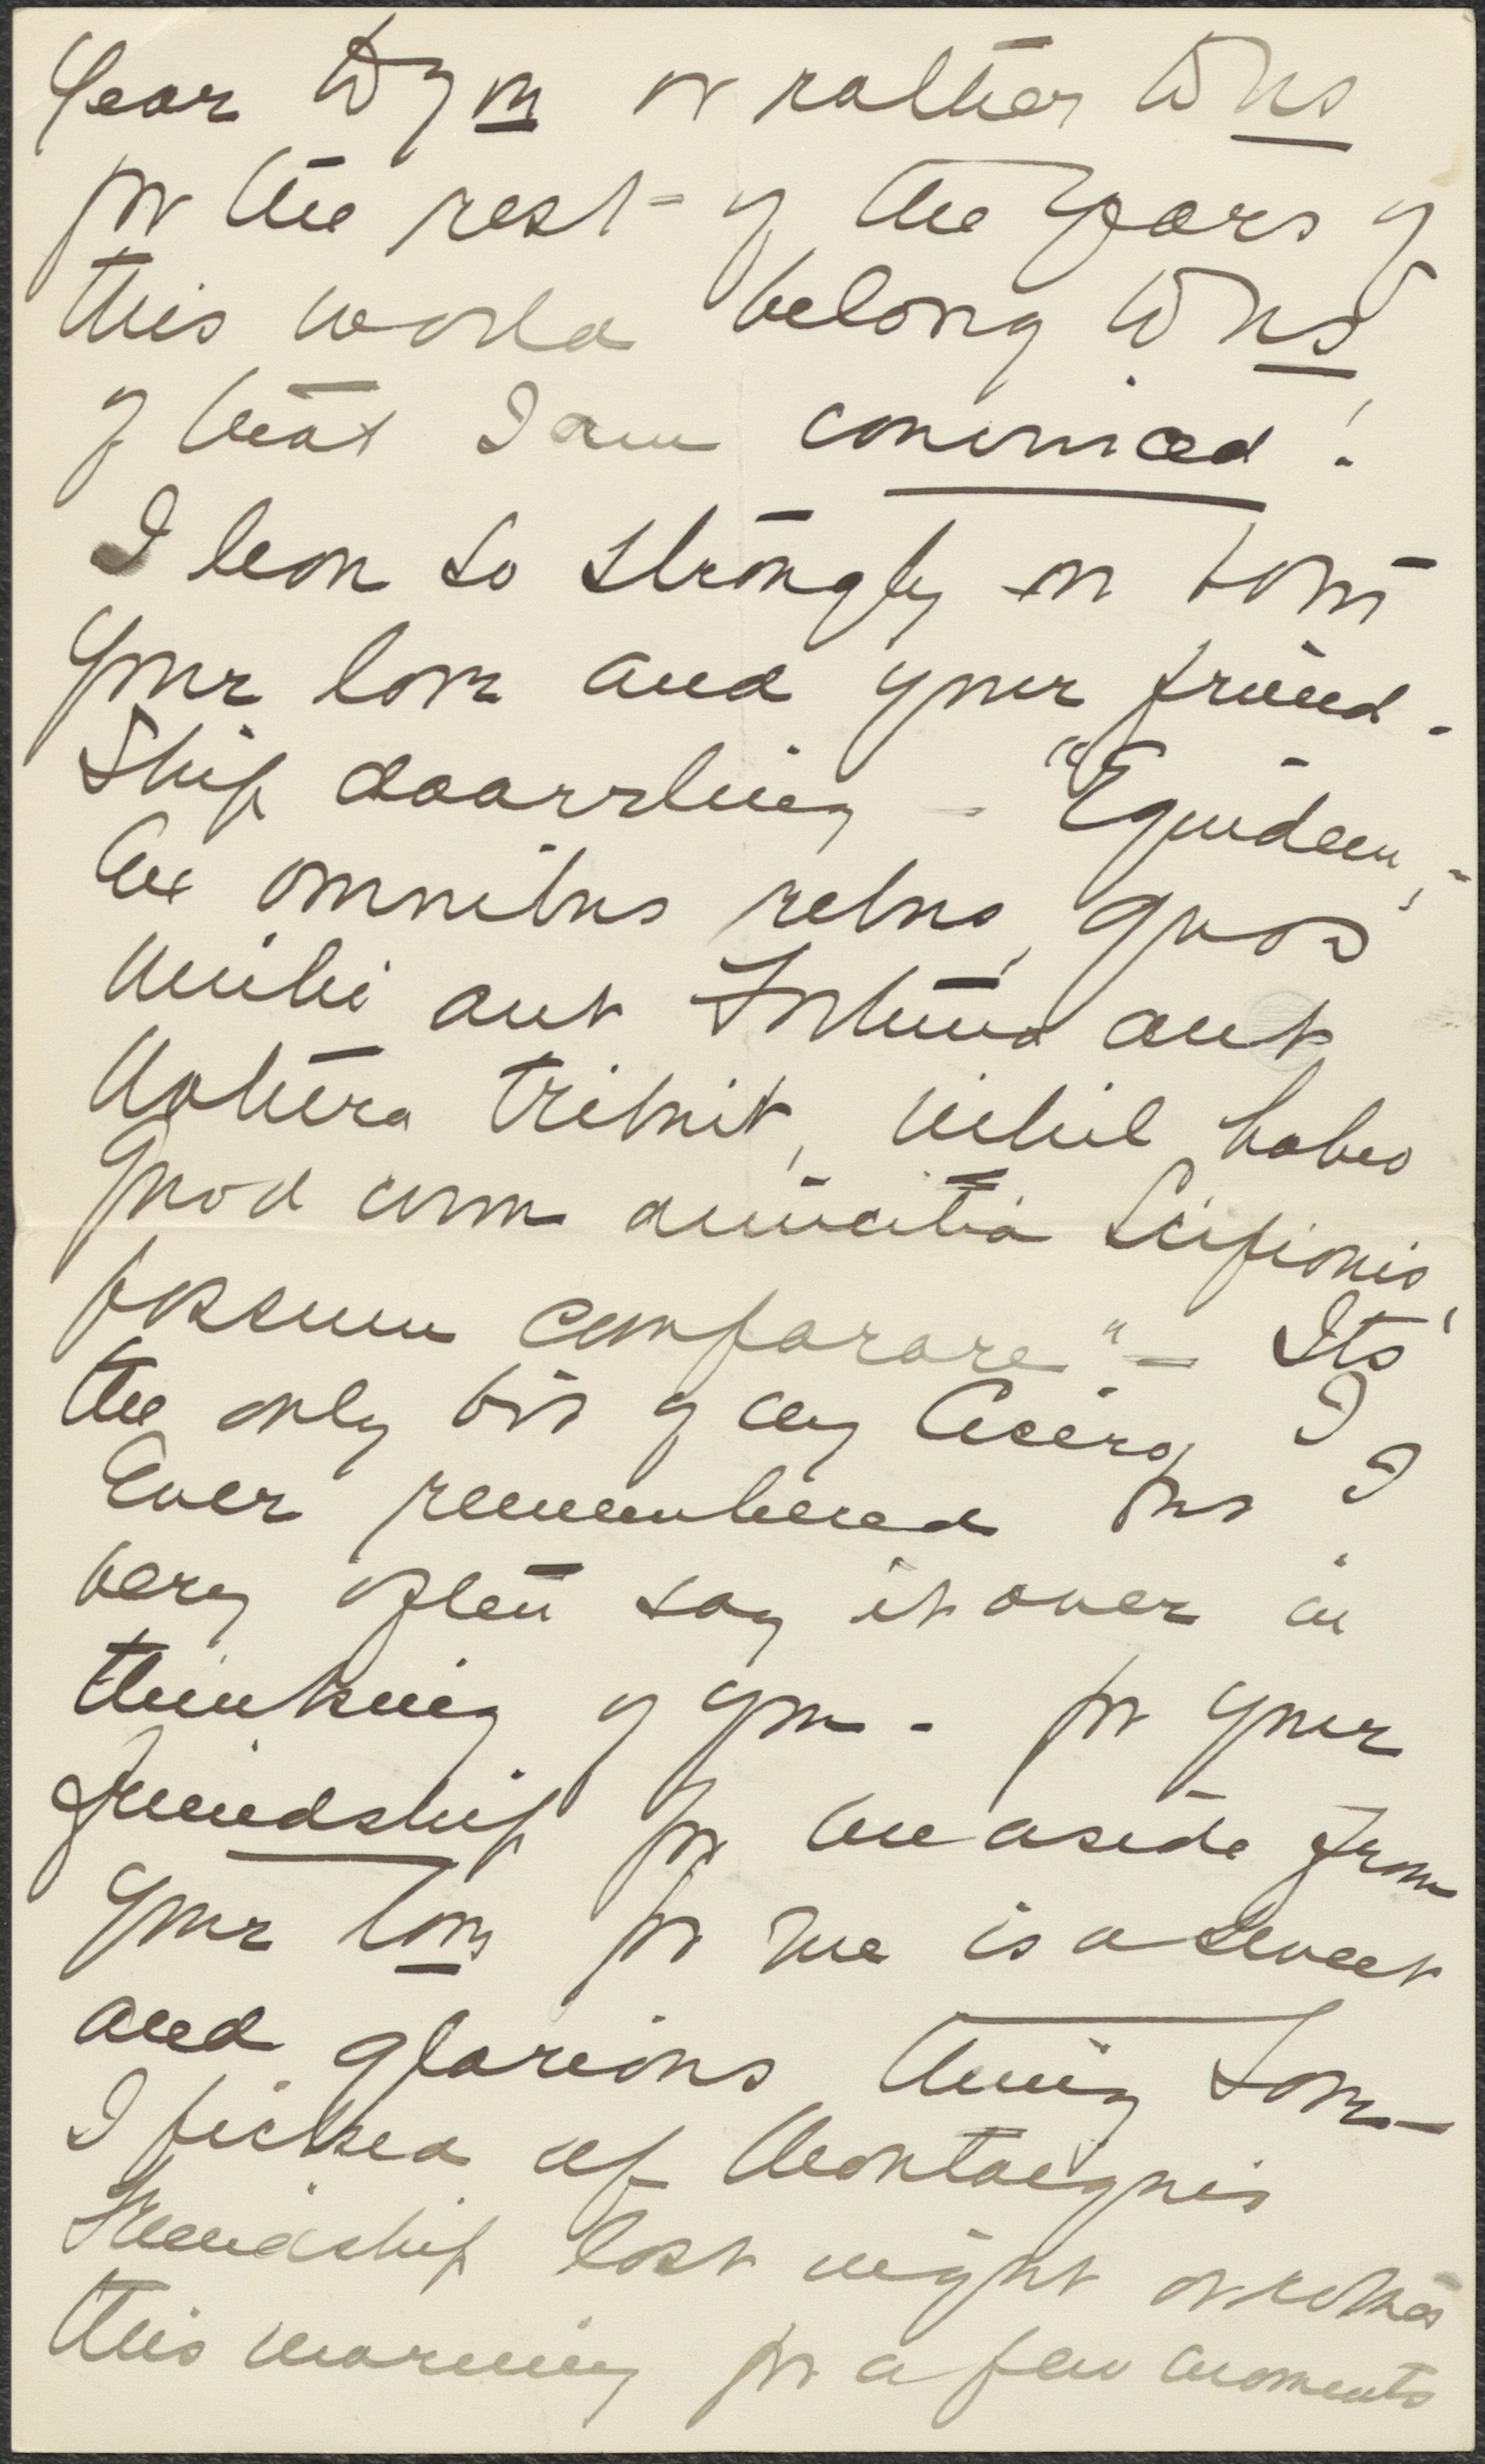Year to you or rather to us for the rest of the years of this world belong to us of that I am convinced!
I lean so strongly on both your love and your friendship daarrling – “Equidem, – ex omnibus rebus, quas mihi aut Fortuna aut Natura tribuit, nihil habeo quod cum amicitia Scipionis possum comparare” – It’s the only bit of my Cicero I ever remember but I very often say it over in thinking of you – for your friendship for me aside from your love for me is a sweet and glorious thing Love – I picked up Montaigne’s Friendship last night or rather this morning for a few moments